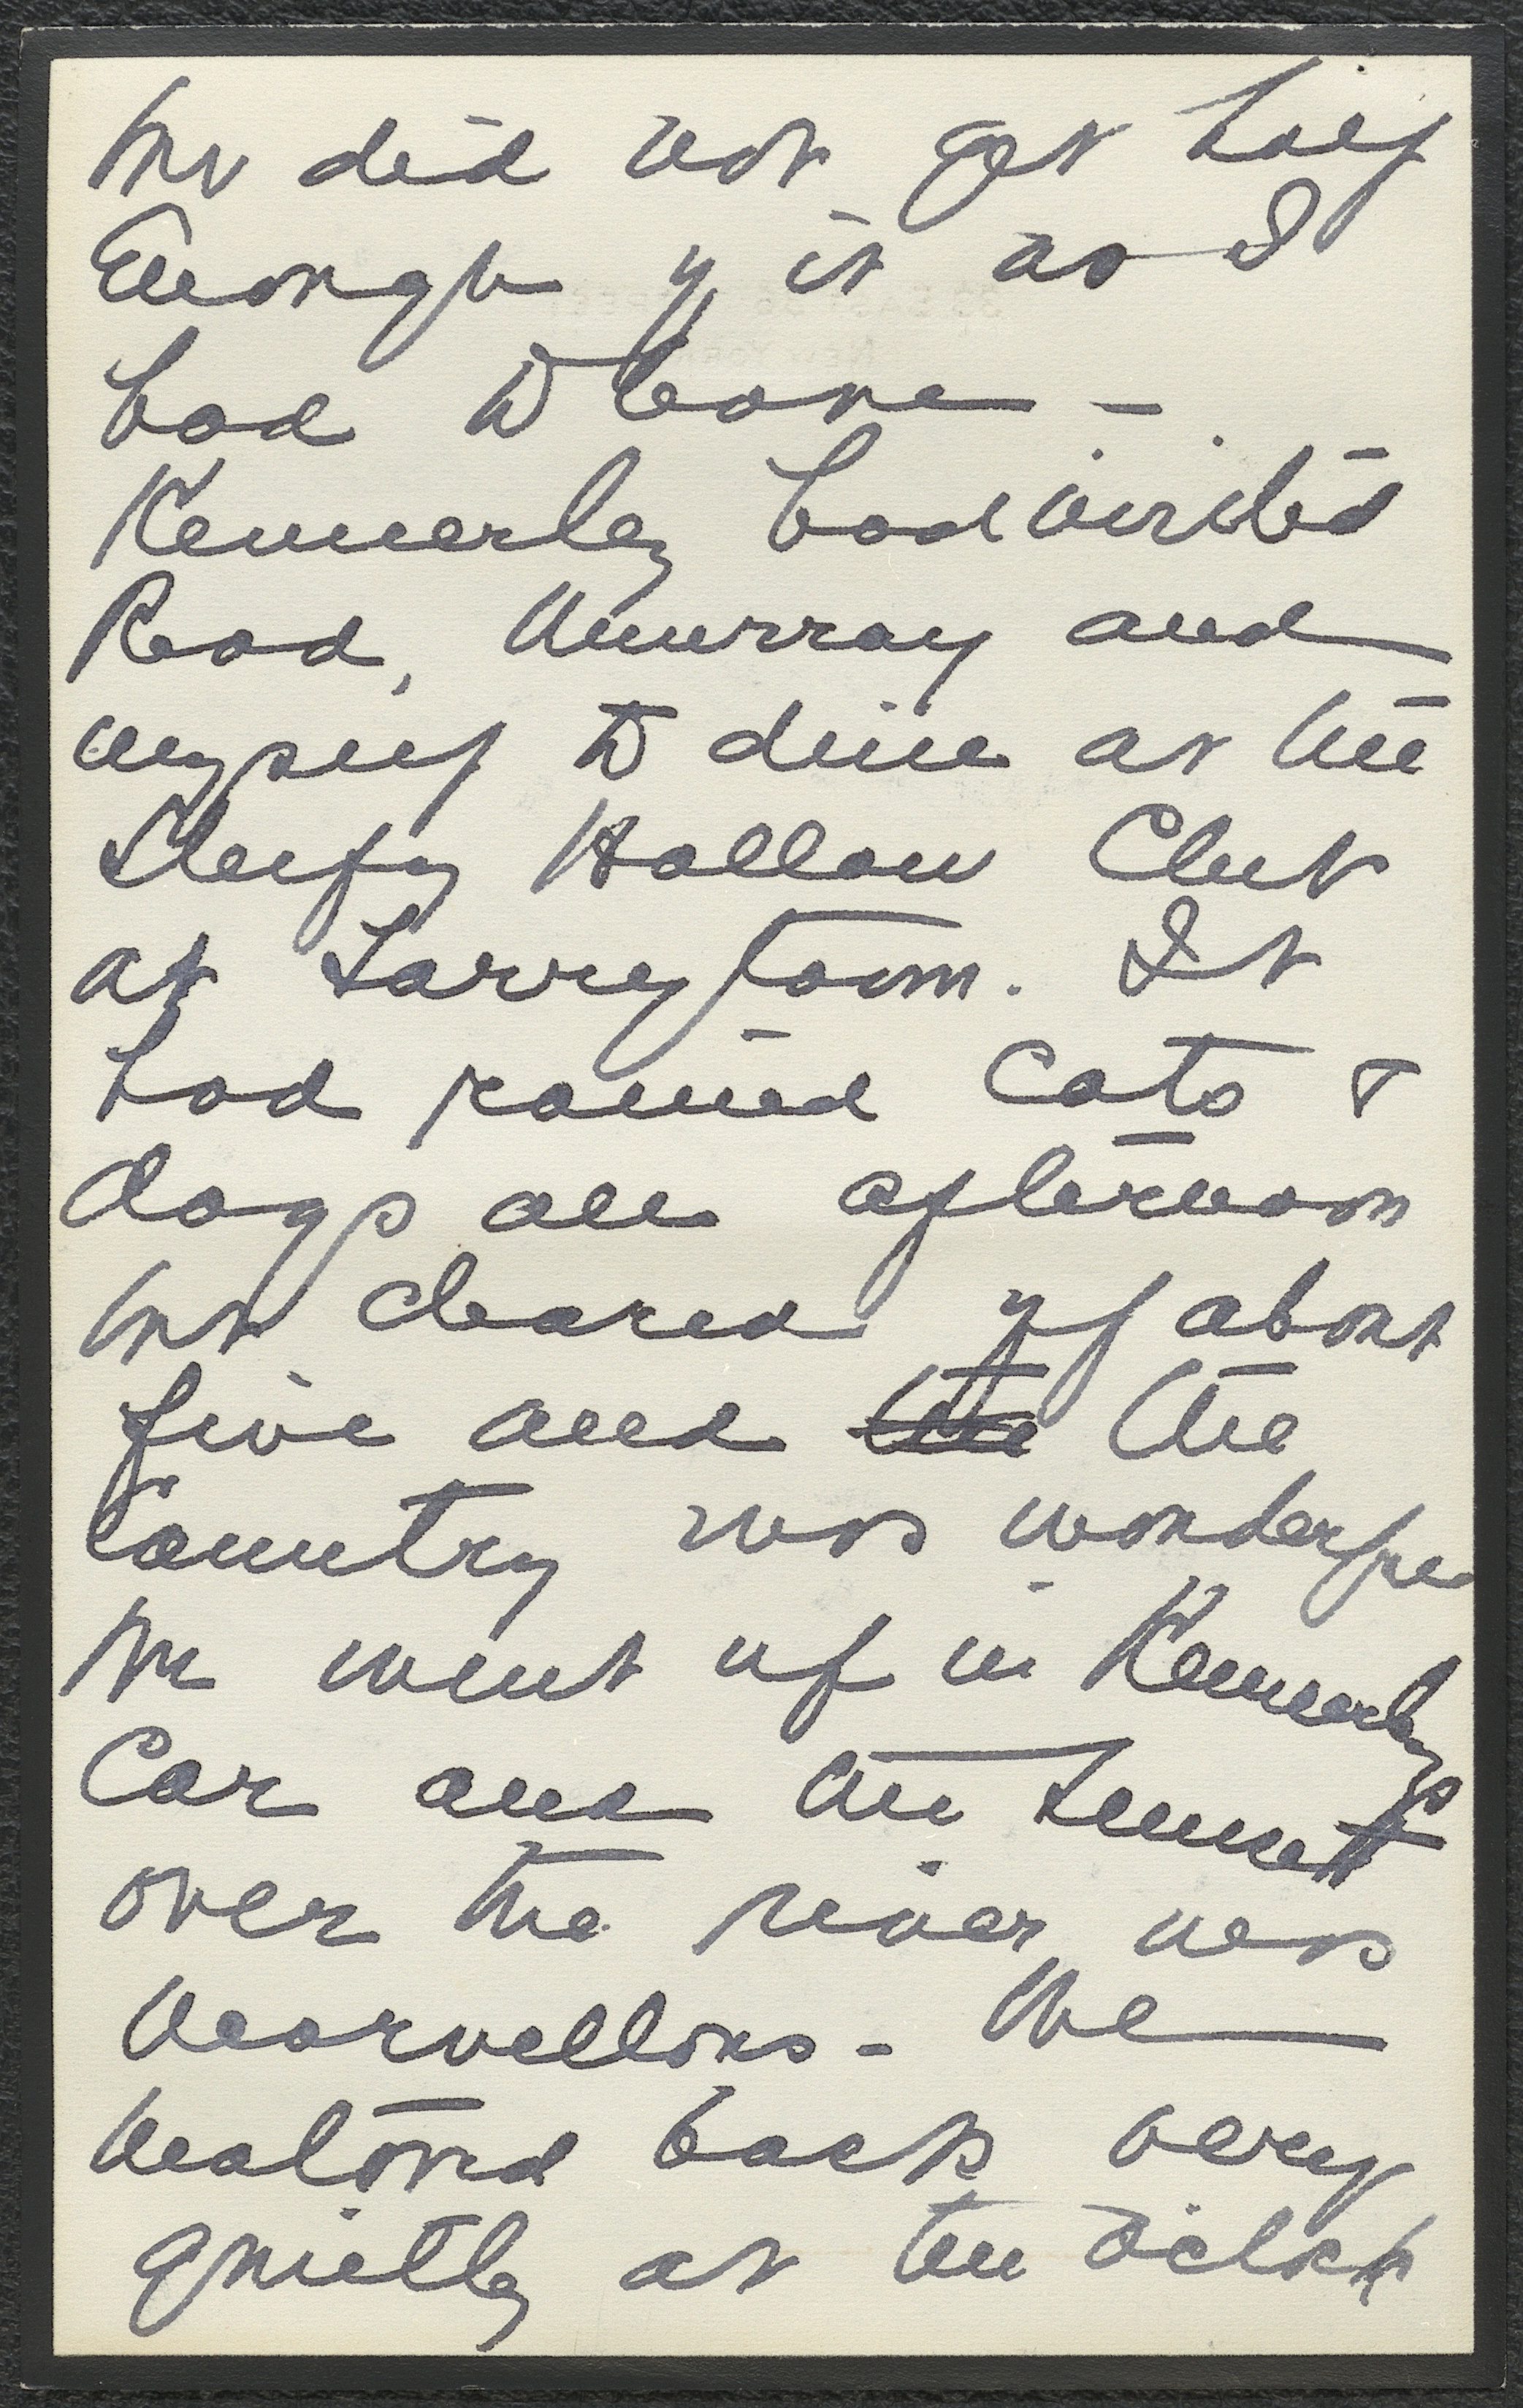but did not get half enough of it as I had to leave – Kennerley had invited Read, Murray and myself to dine at the Sleepy Hollow Club at Tarrytown. It had rained cats & dogs all afternoon but cleared off about five and the the country was wonderful we went up in Kennerly’s car and the sunset over the river was marvellous – We motored back very quietly at ten o’clock